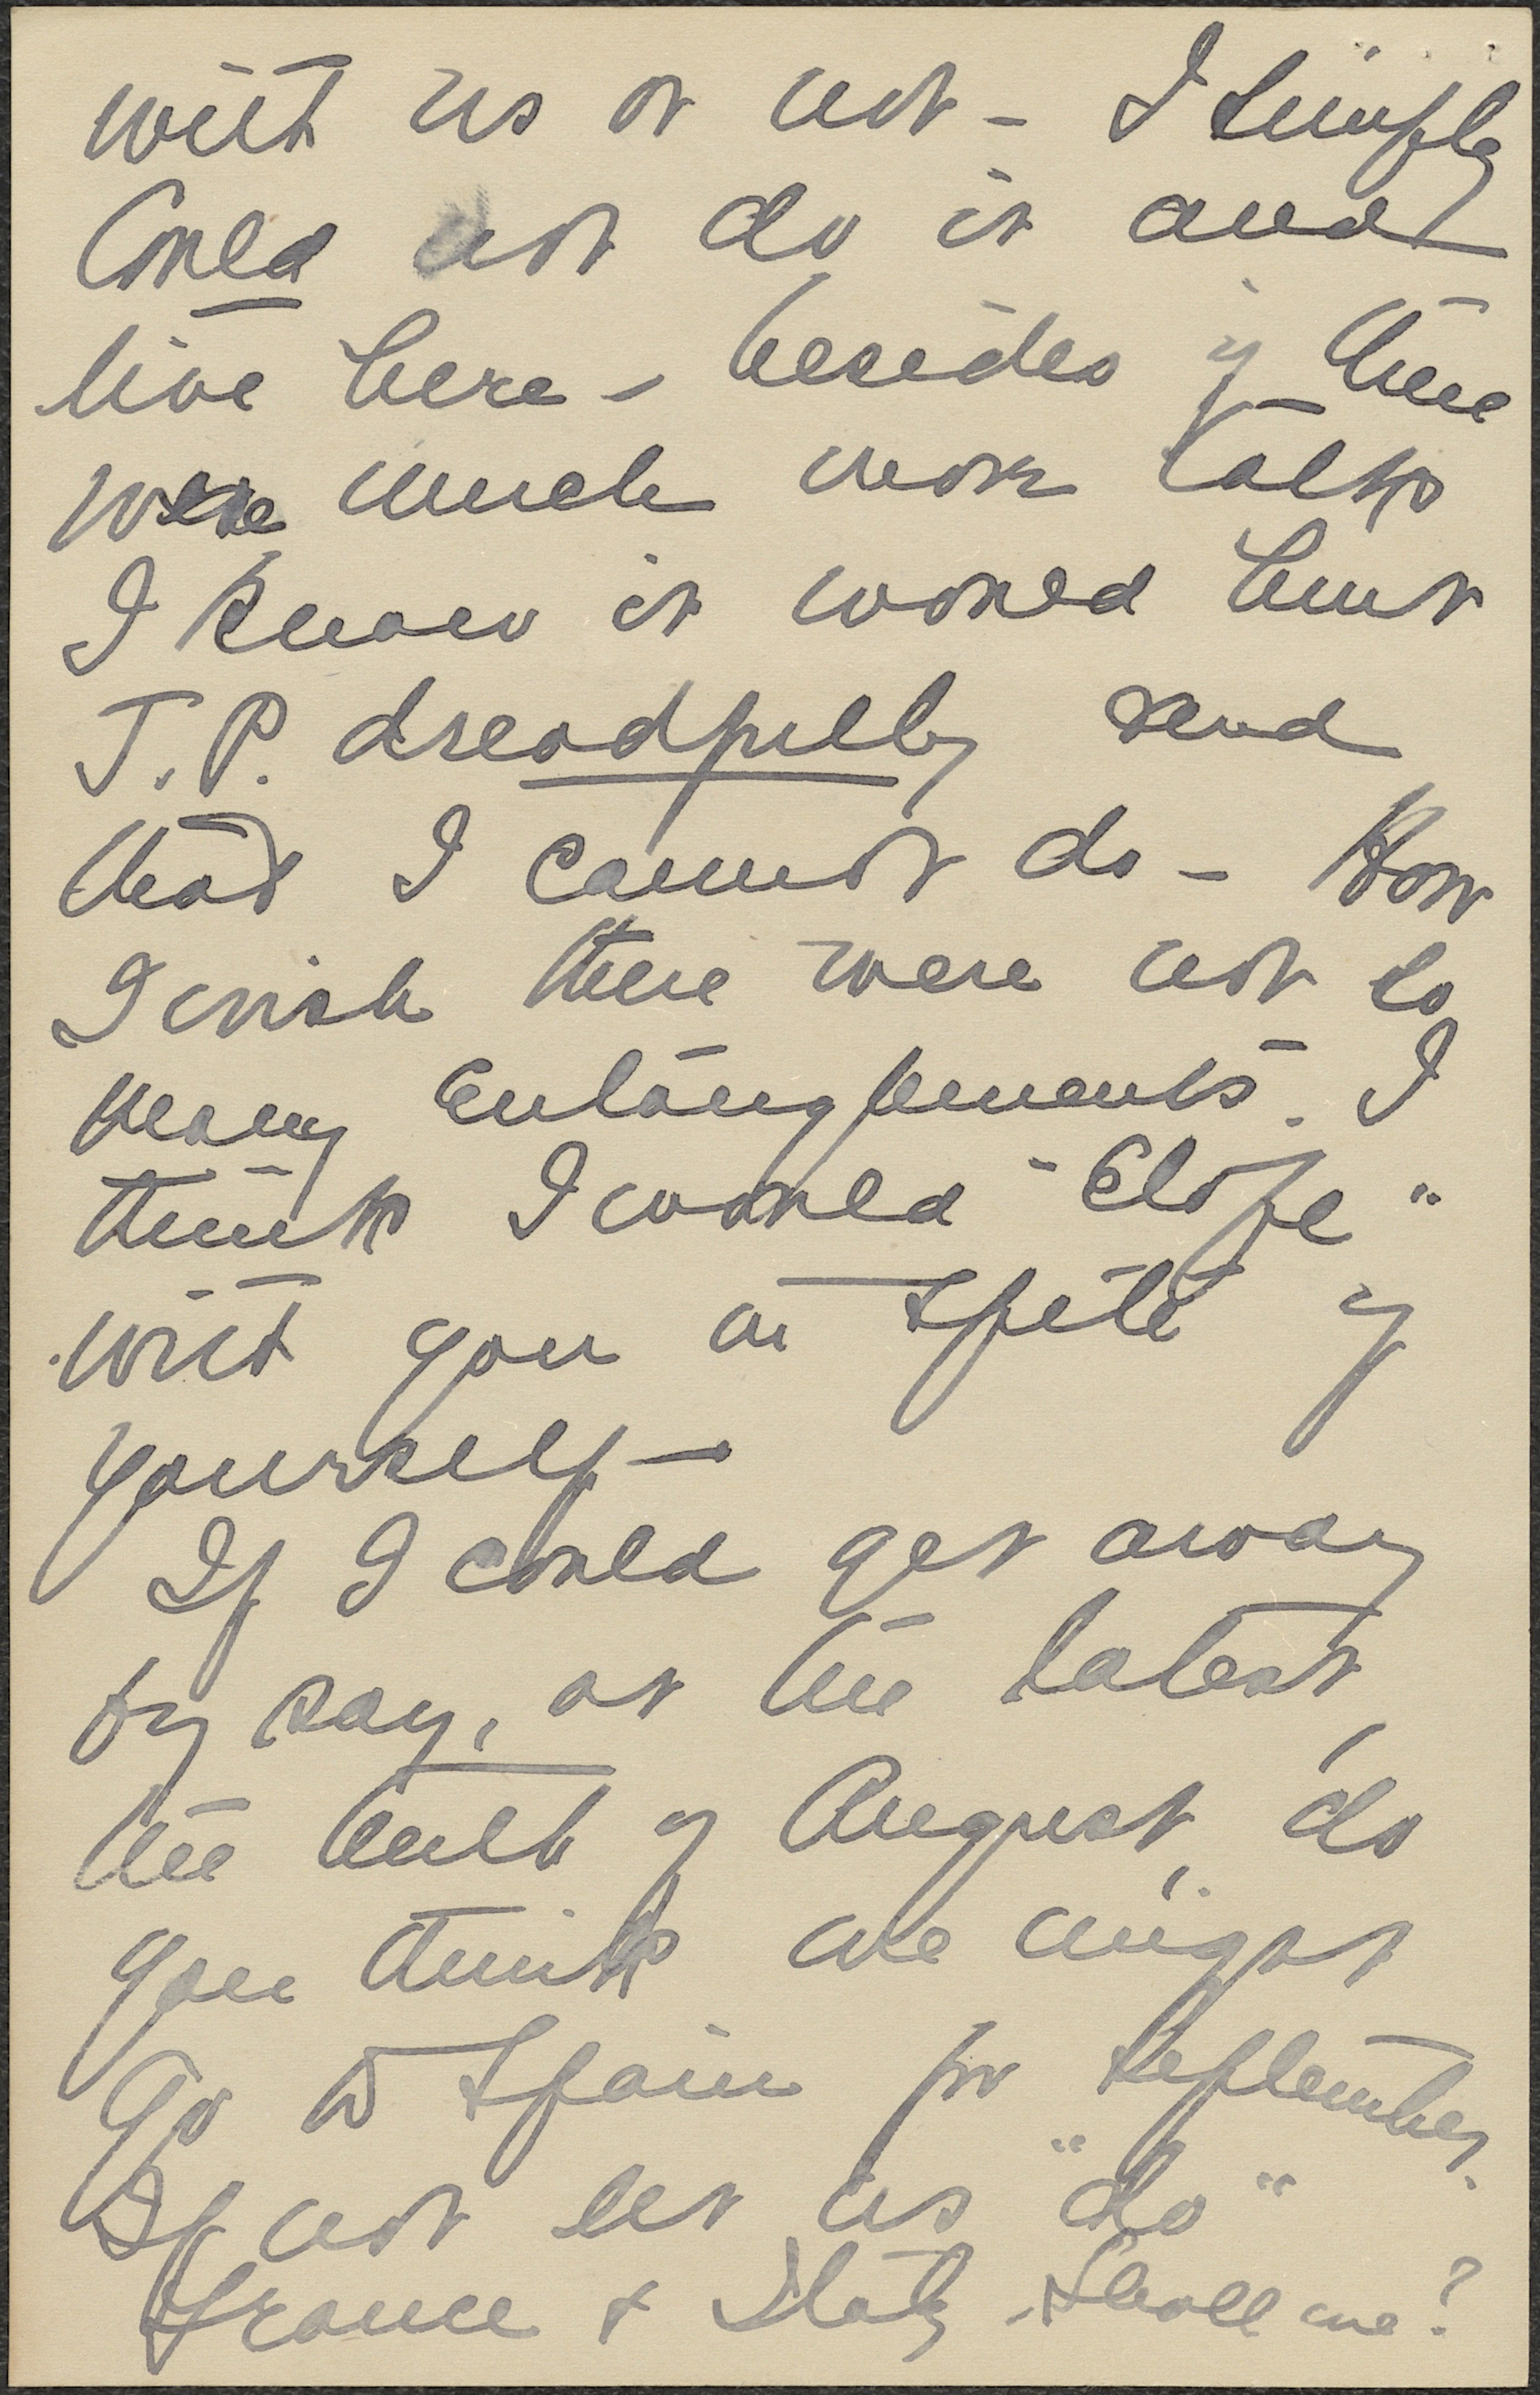with us or not – I simply could not do it and live here – besides if there were much more talk I know it would hurt J. P. dreadfully and that I cannot do – How I wish there were not so many entanglements. I think I would “elope” with you in spite of yourself –
If I could get away by say, at the latest, the tenth of August, do you think we might go to Spain for September. If not let us “do” France & Italy, Shall we?